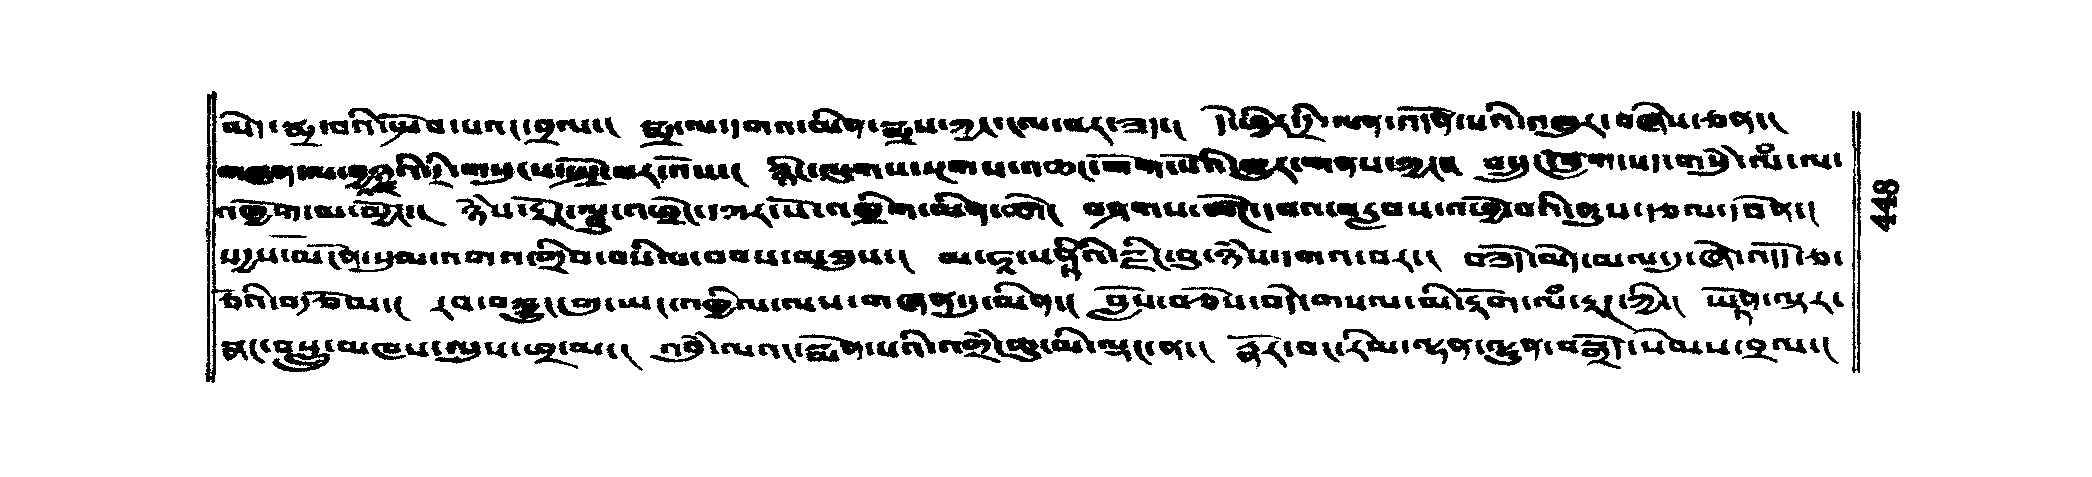མེད་སྨྲ་བའི་སྤོབས་པའང་བྲལ། །སྨྲ་ལ་དགའ་མིན་སྨྲས་ཀྱང་ངལ་བ་ཟད། །དེ་ཕྱིར་དྲི་ལན་འདོན་པའི་འཁུར་བཞེས་ཅན། །
གཞན་ལ་བྱཱཉྫའི་དྲི་བསུང་སྤྲོ་བར་འོས། །རྙིང་ལུགས་སྔགས་འཆང་ཟོག་པོའི་གྱུར་གནས་ཀྱང་། །བསྲུང་བཟློག་སད་གསུམ་ལམ་ལ་
འཁྱོག་མྱོང་། ཉམས་རྟོགས་ལྦུ་འཁྲེང་དཀར་པོ་འཁྲིག་མིན་ཚེ། །བཤགས་ཚོགས་རྦ་རླབས་འཕྱོ་བའི་ནུས་རྩལ་དབེན། །
སངས་རྒྱས་མངོན་སུམ་འགའ་གྲིབ་བསིལ་བབས་མཐུས། །མ་ཧཱ་སནྟིའི་རྫིང་བུ་ཉམས་དགའ་བར། །བཟློག་མེད་མལ་དུ་ཞེ་འདོད་ཅ་
ཅོའི་བརྩོམ། །རབ་བསྐྱུང་གུ་ཡང་འཁྱིལ་ལས་གཞན་དུ་མིན། །བློས་བཅོས་བདེ་གསལ་མི་རྟོག་ལམ་རྟགས་ཀྱི། །ཡོན་ཏན་ལྟར་
སྣང་བསླུ་མཁས་ལུས་ཕྲ་མ། །འབུམ་ལའང་སྨོན་པའི་འགྲམ་ཆུ་མི་སྡང་ན། །རྣལ་འབྱོར་རིམ་ལྷན་ལྷུན་བསྒྲོད་སེམས་བྲལ། །